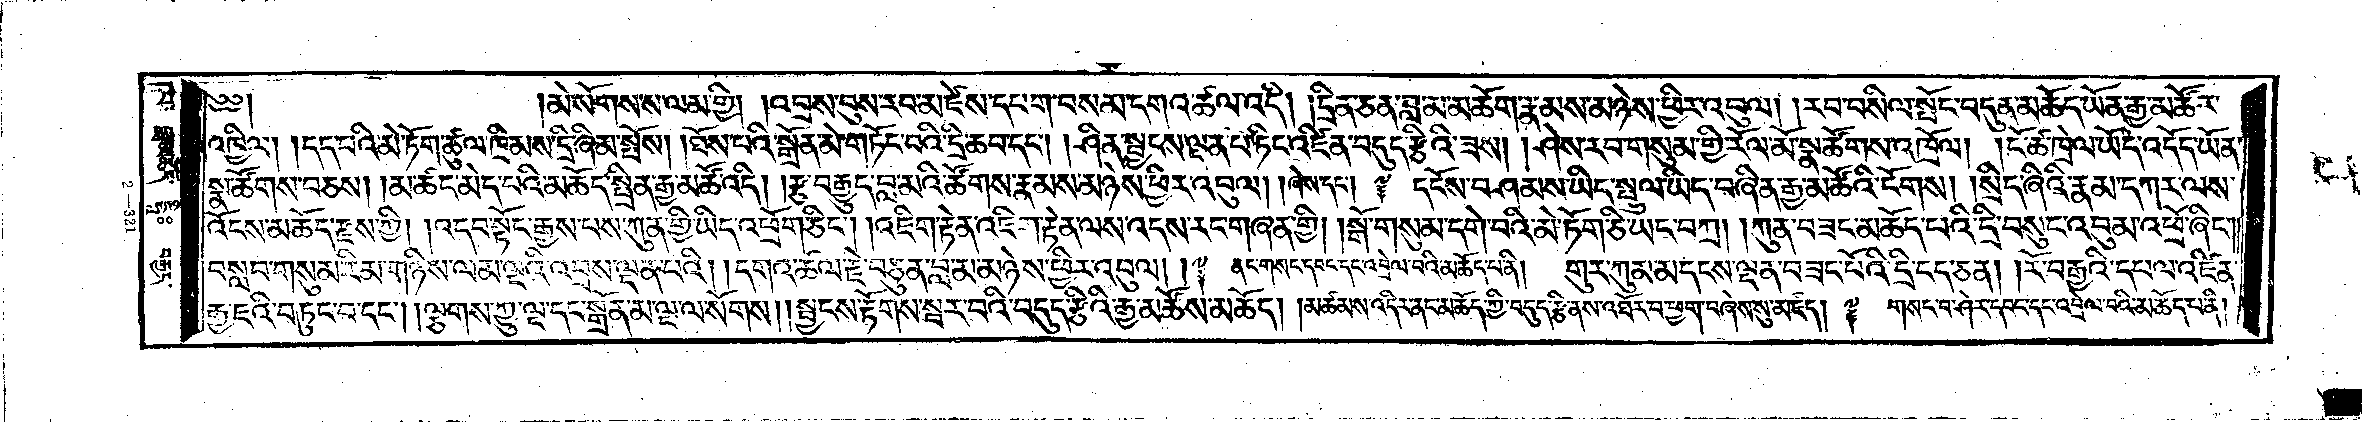༄༅། །མེ་སོགས་ས་ལམ་གྱི། །འབྲས་བུས་རབ་མཛེས་དཔག་བསམ་དགའ་ཚལ་འདི། །དྲིན་ཅན་བླ་མ་མཆོག་རྣམས་མཉེས་ཕྱིར་འབུལ། །རབ་བསིལ་སྤོང་བདུན་མཆོད་ཡོན་རྒྱ་མཚོར་
འཁྱིལ། །དད་པའི་མེ་ཏོག་ཚུལ་ཁྲིམས་དྲི་ཞིམ་སྤོས། །ཐོས་པའི་སྒྲོན་མེ་གཏོང་བའི་དྲི་ཆབ་དང་། །ཤིན་སྦྱངས་ལྡན་པ་ཏིང་འཛིན་བདུད་རྩིའི་ཟས། །ཤེས་རབ་གསུམ་གྱི་རོལ་མོ་སྣ་ཚོགས་འཁྲོལ། །ངོ་ཚ་ཁྲེལ་ཡོད་འདོད་ཡོན་
སྣ་ཚོགས་བཅས། །མཚང་མེད་པའི་མཆོད་སྤྲིན་རྒྱ་མཚོ་འདི། །རྩ་བརྒྱུད་བླ་མའི་ཚོགས་རྣམས་མཉེས་ཕྱིར་འབུལ། །ཞེས་དང་།  ༈ དངོས་བཤམས་ཡིད་སྤྲུལ་ཡིད་བཞིན་རྒྱ་མཚོའི་དོགས། །སྲིད་ཞིའི་རྣམ་དཀར་ལས་
འོངས་མཆོད་རྫས་ཀྱི། །འདབ་སྟོང་རྒྱས་པས་ཀུན་གྱི་ཡིད་འཕྲོག་ཅིང་། །འཇིག་རྟེན་འཇིག་རྟེན་ལས་འདས་རང་གཞན་གྱི། །སྒོ་གསུམ་དགེ་བའི་མེ་ཏོག་ཅི་ཡང་བཀྲ། །ཀུན་བཟང་མཆོད་པའི་དྲི་བསུང་འབུམ་འཕྲོ་ཞིང།།
བསླབ་གསུམ་རིམ་གཉིས་ལམ་ལྔའི་འབྲས་ལྡན་པའི། །དགའ་ཚལ་རྗེ་བཙུན་བླ་མ་མཉེས་ཕྱིར་འབུལ། ། ༈ནང་གསང་དབང་དང་འབྲེལ་བའི་མཆོད་པ་ནི།  གུར་ཀུམ་མདངས་ལྡན་བཟང་པོའི་དྲི་ངད་ཅན། །རོ་བརྒྱའི་དཔལ་འཛིན་
རྒྱ་ཇའི་བཏུང་བ་དང་། །ལྕགས་ཀྱུ་ལྔ་དང་སྒྲོན་མ་ལྔ་ལ་སོགས། །སྦྱངས་རྟོགས་སྦར་བའི་བདུད་རྩིའི་རྒྱ་མཚོས་མཆོད། །མཚམས་འདིར་ནང་མཆོད་ཀྱི་བདུད་རྩི་ནས་འཐོར་བ་ཕྱག་བཞེས་སུ་མཛད། ༈ གསང་བ་ཤེར་དབང་འབྲེལ་བའི་མཆོད་པ་ནི།